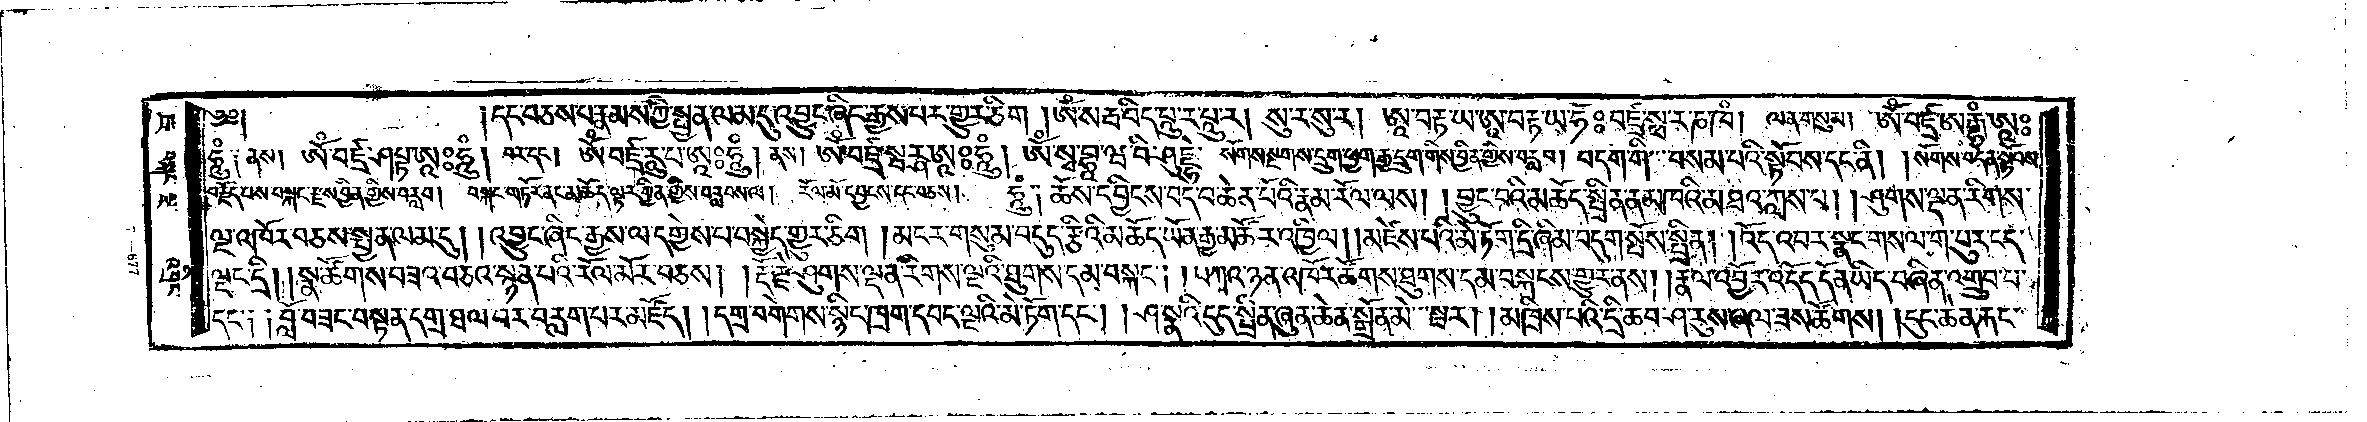༄༅། །དང་བཅས་པ་རྣམས་ཀྱི་སྤྱན་ལམ་དུ་འབྱུང་ཞིང་རྒྱས་པར་གྱུར་ཅིག །ཨོཾ་སརྦ་བིད་པཱུ་ར་པཱུ་ར། སུ་ར་སུ་ར། ཨཱ་བརྟ་ཡ་ཨཱ་བརྟ་ཡ་ཧོཿབཛྲ་སྥ་ར་ཎ་ཁཾ། ལན་གསུམ།  ཨོཾ་བཛྲ་ཨརྒྷཾ་ཨཱཿ
ཧཱུཾ༑ ནས།  ཨོཾ་བཛྲ་ཤཔྟ་ཨཱཿཧཱུཾ། བར་དང་།  ཨོཾ་བཛྲ་རཱུ་པ་ཨཱཿཧཱུཾ། ནས།  ཨོཾ་བཛྲ་སྤརྴ་ཨཱཿཧཱུཾ། ཨོཾ་སྭཱ་བྷཱ་ཝ་བི་ཤུདྡྷེ་སོགས་སྔགས་དྲུག་ཕྱག་རྒྱ་དྲུག་གིས་བྱིན་གྱིས་བརླབ།  བདག་གི་བསམ་པའི་སྟོབས་དང་ནི། །སོགས་བདེན་སྟོབས་
བརྗོད་པས་བསྐང་རྫས་བྱིན་གྱིས་བརླབ། བསྐང་གཏོར་ནང་མཆོད་ལྟར་བྱིན་གྱིས་བརླབས་ལ། རོལ་མོ་དབྱངས་དང་བཅས། ཧཱུཾ༑ ཆོས་དབྱིངས་བདེ་བ་ཆེན་པོའི་རྣམ་རོལ་ལས། བྱུང་བའི་མཆོད་སྤྲིན་ནམྨྑའི་མཐའ་ཀླས་པ། །ཤུགས་ལྡན་རིགས་
ལྔ་འཁོར་བཅས་སྤྱན་ལམ་དུ། །འབྱུང་ཞིང་རྒྱས་ལ་དགྱེས་པ་བསྐྱེད་གྱུར་ཅིག །མངར་གསུམ་བདུད་རྩིའི་མཆོད་ཡོན་རྒྱ་མཚོར་འཁྱིལ། །མཛེས་པའི་མེ་ཏོག་དྲི་ཞིམ་བདུག་སྤོས་སྤྲིན། །འོད་འབར་སྣང་གསལ་ག་པུར་ངད་
ལྡང་དྲི། །སྣ་ཚོགས་བཟའ་བཅའ་སྙན་པའི་རོལ་མོར་བཅས། །རྡོ་རྗེ་ཤུགས་ལྡན་རིགས་ལྔའི་ཐུགས་དམ་བསྐང་། །བཀའ་ཉན་འཁོར་ཚོགས་ཐུགས་དམ་བསྐངས་གྱུར་ནས། །རྣལ་འབྱོར་འདོད་དོན་ཡིད་བཞིན་འགྲུབ་པ་
དང༑ ༑བློ་བཟང་བསྟན་དགྲ་ཐལ་བར་བརླག་པར་མཛོད། །དགྲ་བགེགས་སྙིང་ཁྲག་དབང་ལྔའི་མེ་ཏོག་དང་། །ཤ་སྣའི་དུད་སྤྲིན་ཞུན་ཆེན་སྒྲེན་མེ་སྦར། །མཁྲིས་པའི་དྲི་ཆབ་ཤ་རུས་ཞལ་ཟས་ཚོགས། །དུང་ཆེན་རྐང་